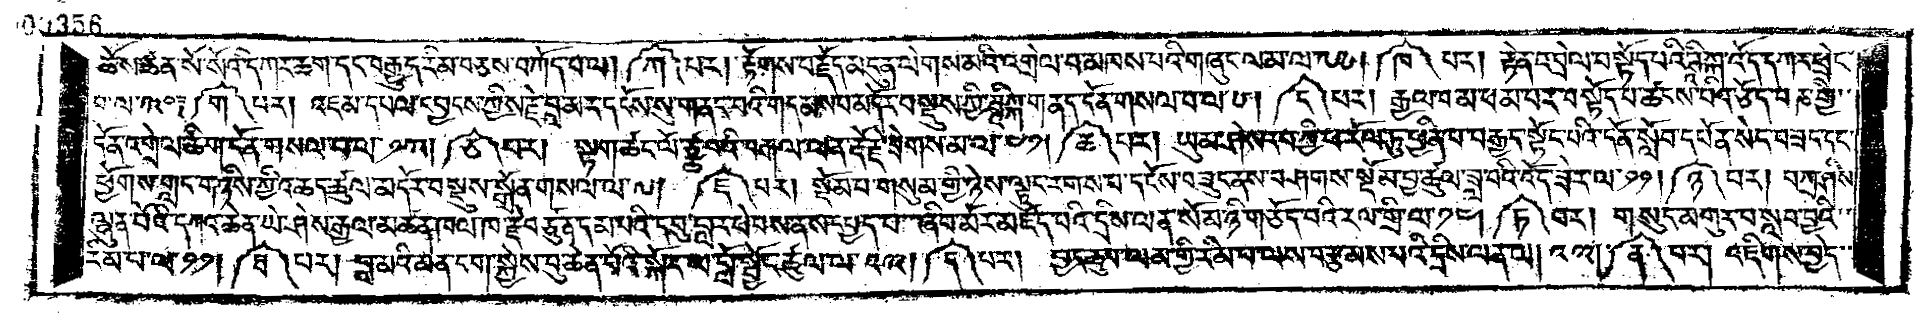ཆོས་ཚན་སོ་སོའི་དཀར་ཆག་དང་བརྒྱུད་རིམ་བཅས་བཀོད་པ་ལ། ༼ཀ༽ པར། རྟོགས་བརྗོད་མདུན་ལེགས་མའི་འགྲེལ་བ་མཁས་པའི་གཞུང་ལམ་ལ ༧༦། ༼ཁ༽ པར། རྟེན་འབྲེལ་བསྟོད་པའི་ཌཱིཀྐ་འོད་དཀར་ཕྲེང་
བ་ལ ༣༠༑ ༼ག༽ པར། འཇམ་དཔལ་དབྱངས་ཀྱིས་རྗེ་བླ་མར་དངོས་སུ་གནང་བའི་གདམས་པ་མདོར་བསྡུས་ཀྱི་ཌཱིཀྐ་གནད་དོན་གསལ་བ་ལ ༦། ༼ང༽ པར། རྒྱལ་བ་མ་ཕམ་པར་བསྟོད་པ་ཚངས་པའི་ཅོད་པཎ་གྱི་
དོན་འགྲེལ་ཚིག་དོན་གསལ་བ་ལ ༡༣། ༼ཅ༽ པར། སྟག་ཚང་ལོ་ཙྪ་བའི་བརྒལ་ལན་རྡོ་རྗེ་ཟེགས་མ་ལ ༤༡། ༼ཆ༽ པར། ཡུམ་ཤེས་རབ་ཀྱི་ཕ་རོལ་ཏུ་ཕྱིན་པ་བརྒྱད་སྟོང་པའི་དོན་སློབ་དཔོན་སེང་བཟང་དང་
ཕྱོགས་གླང་གཉིས་ཀྱི་འཆད་ཚུལ་མདོར་བསྡུས་སྒྲོན་གསལ་ལ ༧། ༼ཇ༽ པར། སྡོམ་པ་གསུམ་གྱི་ཉེས་ལྟུང་རགས་པ་དངོས་བཟུང་ནས་བཤགས་སྡོམ་བྱ་ཚུལ་ཟླ་བའི་འོད་ཟེར་ལ ༡༡། ༼ཉ༽ པར། བཀྲ་ཤིས་
ལྷུན་པོའི་དཀའ་ཆེན་ཡེ་ཤེས་རྒྱལ་མཚན་ཁལ་ཁ་རྗེ་བཙུན་དམ་པའི་དབུ་བླར་ཕེབས་ནས་དཔྱད་པ་ཞིབ་མོར་མཛད་པའི་དྲིས་ལན་སོམ་ཉི་གཅོད་པའི་རལ་གྲི་ལ ༡༤། ༼ཏ༽ པར། གསུང་མགུར་བསླབ་བྱའི་
རིམ་པ་ལ ༡༡། ༼ཐ༽ པར། བླ་མའི་མན་ངག་སྐྱེས་བུ་ཆེན་པོའི་སྐོར་ལ་བློ་སྦྱོང་ཚུལ་ལ ༡༣། ༼ད༽ པར། བྱང་ཆུབ་ལམ་གྱི་རིམ་པ་ལས་བརྩམས་པའི་དྲིས་ལན་ལ། ༡༣། ༼ན༽ པར། འཇིགས་བྱེད་